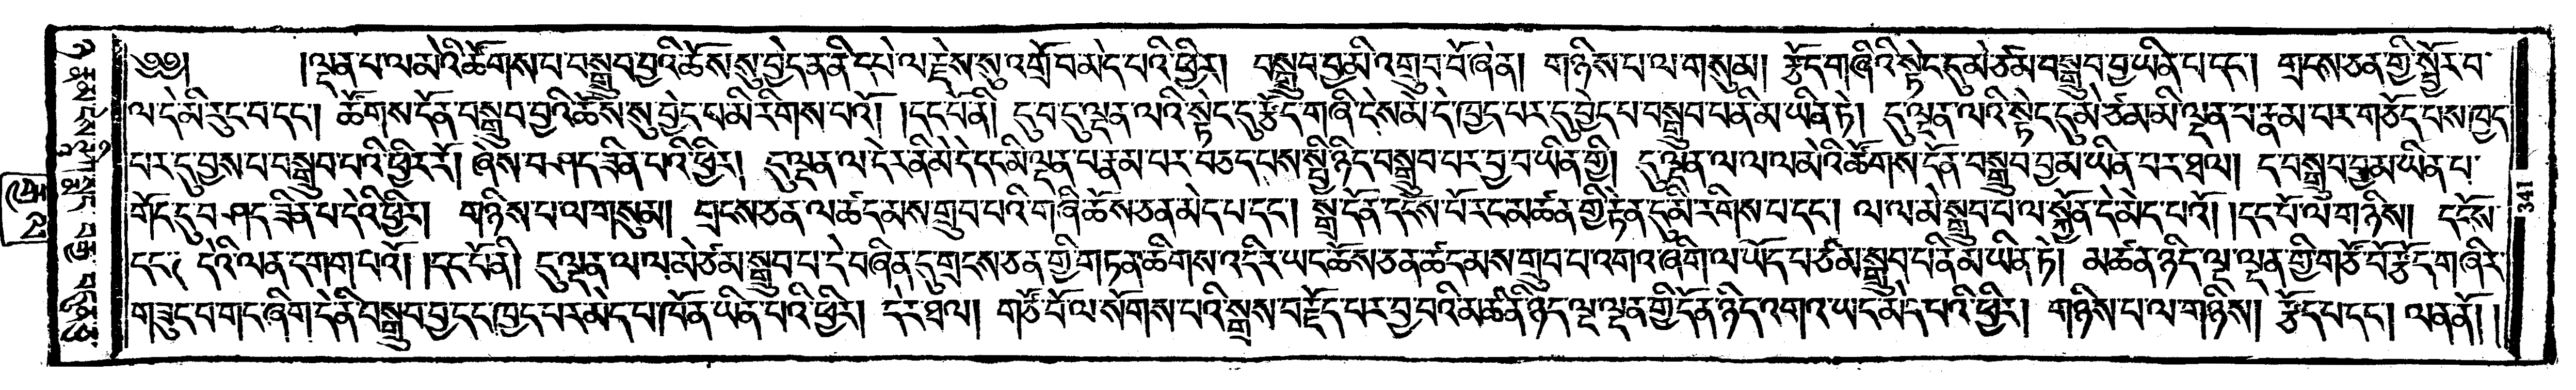༄༅། །ལྡན་པ་ལ་མེའི་ཚོགས་པ་བསྒྲུབ་བྱའི་ཆོས་སུ་བྱེད་ན་ནི་དཔེ་ལ་རྗེས་སུ་འགྲོ་བ་མེད་པའི་ཕྱིར། བསྒྲུབ་བྱ་མི་འགྲུབ་པོ་ཞེ་ན། གཉིས་པ་ལ་གསུམ། རྩོད་གཞིའི་སྟེང་དུ་མེ་ཙམ་བསྒྲུབ་བྱ་ཡིན་པ་དང་། གྲངས་ཅན་གྱི་སྦྱོར་བ་
ལ་དེ་མི་རུང་བ་དང་། ཚོགས་དོན་བསྒྲུབ་བྱའི་ཆོས་སུ་བྱེད་པ་མི་རིགས་པའོ། །དང་པོ་ནི། དུ་བ་དུ་ལྡན་ལའི་སྟེང་དུ་རྩོད་གཞི་དེས་མེ་དེ་ཁྱད་པར་དུ་བྱེད་པ་བསྒྲུབ་པ་ནི་མ་ཡིན་ཏེ། དུ་ལྡན་ལའི་སྟེང་དུ་མེ་ཙམ་མི་ལྡན་པ་རྣམ་པར་གཅོད་པས་ཁྱད་
པར་དུ་བྱས་པ་བསྒྲུབ་པའི་ཕྱིར་རོ། ཞེས་བཤད་ཟིན་པའི་ཕྱིར། དུ་ལྡན་ལ་དེར་ནི་མེ་དེ་དང་མི་ལྡན་པ་རྣམ་པར་བཅད་པས་སྤྱི་ཉིད་བསྒྲུབ་པར་བྱ་བ་ཡིན་གྱི། དུ་ལྡན་ལ་ལ་མེའི་ཚོགས་དོན་བསྒྲུབ་བྱ་མ་ཡིན་པར་ཐལ། ད་བསྒྲུབ་བྱ་མ་ཡིན་པ་
གོང་དུ་བཤད་ཟིན་པ་དེའི་ཕྱིར། གཉིས་པ་ལ་གསུམ། གྲངས་ཅན་ལ་ཚད་མས་གྲུབ་པའི་གཞི་ཆོས་ཅན་མེད་པ་དང་། སྒྲ་དོན་དངོས་པོ་རང་མཚན་གྱི་རྟེན་དུ་མི་རིགས་པ་དང་། ལ་ལ་མེ་སྒྲུབ་པ་ལ་སྐྱོན་དེ་མེད་པའོ། །དང་པོ་ལ་གཉིས། དངོས་
དང༑ དེའི་ལན་དགག་པའོ། །དང་པོ་ནི། དུ་ལྡན་ལ་ལ་མེ་ཙམ་སྒྲུབ་པ་དེ་བཞིན་དུ་གྲངས་ཅན་གྱི་གཏན་ཚིགས་འདིར་ཡང་ཆོས་ཅན་ཚད་མས་གྲུབ་པ་འགའ་ཞིག་ལ་ཡོད་པ་ཙམ་སྒྲུབ་པ་ནི་མ་ཡིན་ཏེ། མཚན་ཉིད་ལྔ་ལྡན་གྱི་གཙོ་བོ་རྩོད་གཞིར་
གཟུང་བ་གང་ཞིག་དེ་ནི་བསྒྲུབ་བྱ་དང་ཁྱད་པར་མེད་པ་ཁོ་ན་ཡིན་པའི་ཕྱིར། དེར་ཐལ། གཙོ་བོ་ལ་སོགས་པའི་སྒྲས་བརྗོད་པར་བྱ་བའི་མཚན་ཉིད་ལྔ་ལྡན་གྱི་དོན་ཉིད་འགའ་ཡང་མེད་པའི་ཕྱིར། གཉིས་པ་ལ་གཉིས། རྩོད་པ་དང་། ལན་ནོ། །